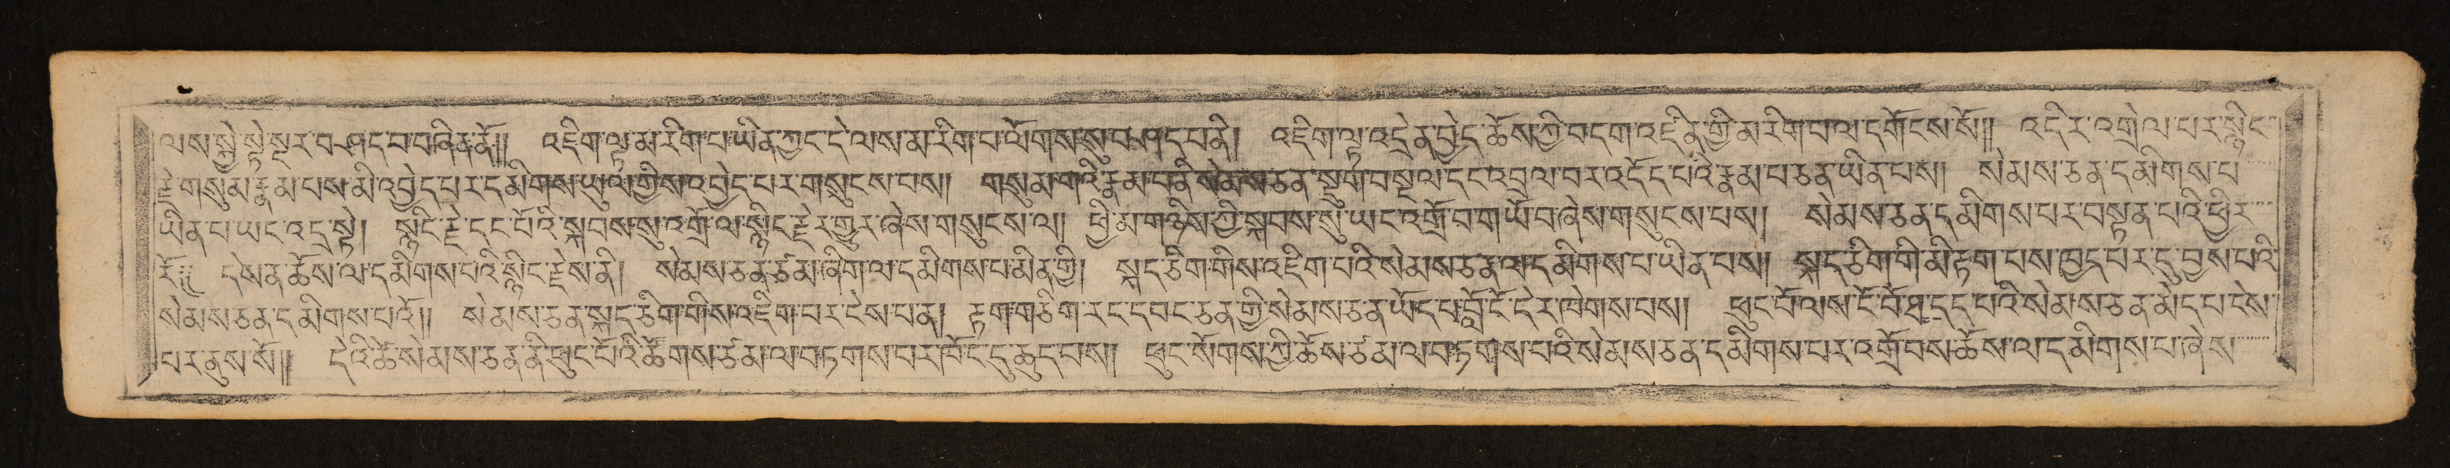ལས་སྐྱེ་སྟེ་སྔར་བཤད་པ་བཞིན་ནོ།། འཇིག་ལྟ་མ་རིག་པ་ཡིན་ཀྱང་དེ་ལས་མ་རིག་པ་ལོགས་སུ་བཤད་པ་ནི། འཇིག་ལྟ་འདྲེན་བྱེད་ཆོས་ཀྱི་བདག་འཛིན་གྱི་མ་རིག་པ་ལ་དགོངས་སོ།། འདིར་འགྲེལ་པར་སྙིང་
རྗེ་གསུམ་རྣམ་པས་མི་འབྱེད་པར་དམིགས་ཡུལ་གྱིས་འབྱེད་པར་གསུངས་པས། གསུམ་གའི་རྣམ་པ་ནི་སེམས་ཅན་སྡུག་བསྔལ་དང་འབྲལ་བར་འདོད་པའི་རྣམ་པ་ཅན་ཡིན་པས། སེམས་ཅན་ལ་དམིགས་པ་
ཡིན་པ་ཡང་འདྲ་སྟེ། སྙིང་རྗེ་དང་པོའི་སྐབས་སུ་འགྲོ་ལ་སྙིང་རྗེར་གྱུར་ཞེས་གསུངས་ལ། ཕྱི་མ་གཉིས་ཀྱི་སྐབས་སུ་ཡང་འགྲོ་བ་གཡོ་བཞེས་གསུངས་པས། སེམས་ཅན་དམིགས་པར་བསྟན་པའི་ཕྱིར་
རོ། །དེས་ན་ཆོས་ལ་དམིགས་པའི་སྙིང་རྗེས་ནི། སེམས་ཅན་ཙམ་ཞིག་ལ་དམིགས་པ་མིན་གྱི། སྐད་ཅིག་གིས་འཇིག་པའི་སེམས་ཅན་ལ་དམིགས་པ་ཡིན་པས། སྐད་ཅིག་གི་མི་རྟག་པས་ཁྱད་པར་དུ་བྱས་པའི་
སེམས་ཅན་དམིགས་པའོ།། སེམས་ཅན་སྐད་ཅིག་གིས་འཇིག་པར་ངེས་པ་ན། རྟག་གཅིག་རང་དབང་ཅན་གྱི་སེམས་ཅན་ཡོད་པ་བློ་ངོ་དེར་ཁེགས་པས། ཕུང་པོ་ལས་ངོ་བོ་ཐ་དད་པའི་སེམས་ཅན་མེད་པ་ངེས་
པར་ནུས་སོ།། དེའི་ཚེ་སེམས་ཅན་ནི་ཕུང་པོའི་ཚོགས་ཙམ་ལ་བཏགས་པར་ཁོང་དུ་ཆུད་པས། ཕུང་སོགས་ཀྱི་ཆོས་ཙམ་ལ་བཏགས་པའི་སེམས་ཅན་དམིགས་པར་འགྲོ་བས་ཆོས་ལ་དམིགས་པ་ཞེས་